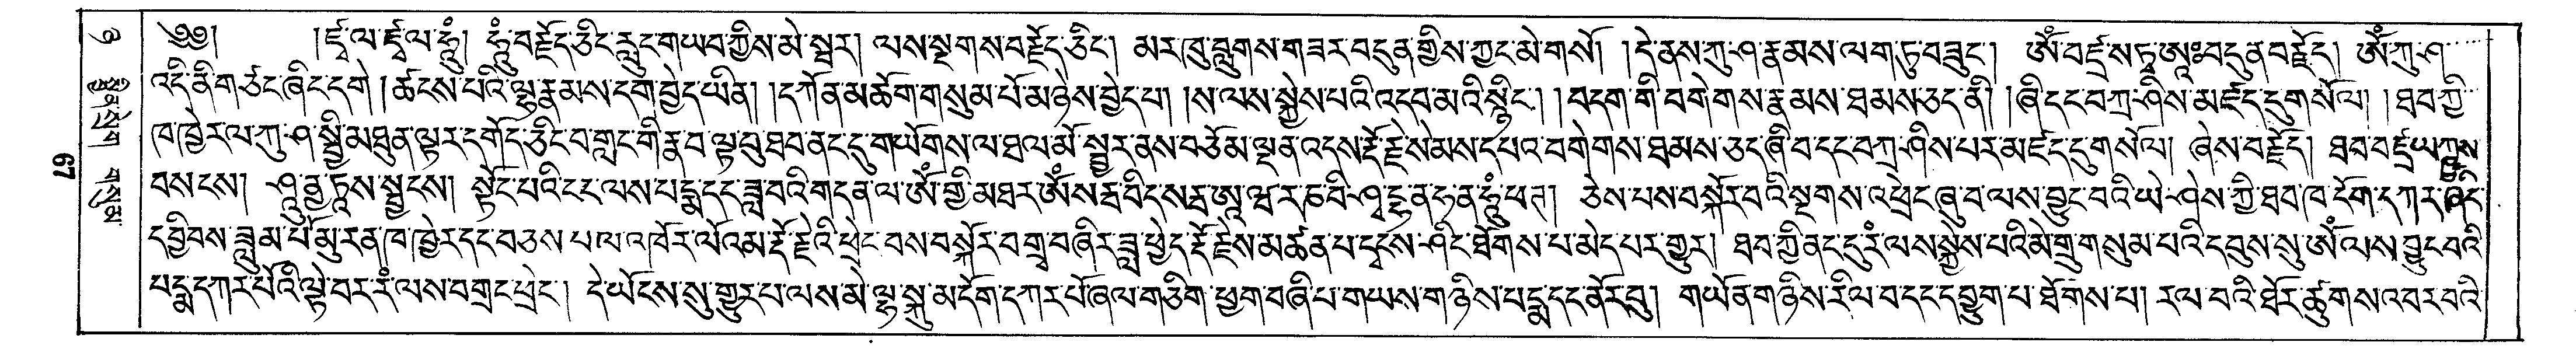༄༅། །ཛྭ་ལ་ཛྭ་ལ་ཧཱུཾ། ཧཱུཾ་བརྗོད་ཅིང་རླུང་གཡབ་ཀྱིས་མེ་སྦར། ལས་སྔགས་བརྗོད་ཅིང་། མར་ཁུ་བླུགས་གཟར་བདུན་གྱིས་ཀྱང་མེ་གསོ། །དེ་ནས་ཀུ་ཤ་རྣམས་ལག་ཏུ་བཟུང་། ཨོཾ་བཛྲ་སཏྭ་ཨཱཿབདུན་བརྗོད། ཨོཾ་ཀུ་ཤ་
འདི་ནི་གཙང་ཞིང་དགེ །ཚངས་པའི་ལྷ་རྣམས་དག་བྱེད་ཡིན། །དཀོན་མཆོག་གསུམ་བོ་མཉེས་བྱེད་པ། །ས་ལས་སྐྱེས་པའི་འདབ་མའི་སྙིང་། །བདག་གི་བགེགས་རྣམས་ཐམས་ཅད་ནི། །ཞི་དང་བཀྲ་ཤིས་མཛད་དུ་གསོལ། །ཐབ་ཀྱི་
ཁ་ཁྱེར་ལ་ཀུ་ཤ་སྤྱི་མཐུན་ལྟར་དགོད་ཅིང་བ་གླང་གི་རྣ་བ་ལྟ་བུ་ཐབ་ནང་དུ་གཡོགས་ལ་ཐལ་མོ་སྦྱར་ནས་བཅོམ་ལྡན་འདས་རྡོ་རྗེ་སེམས་དཔའ་བགེགས་ཐམས་ཅད་ཞི་བ་དང་བཀྲ་ཤིས་པར་མཛད་དུ་གསོལ། ཞེས་བརྗོད། ཐབ་བཛྲ་ཡཀྵས་
བསངས། ཤཱུ་ནྱ་ཏཱས་སྦྱངས། སྟོང་པའི་དང་ལས་པདམ་དང་ཟླ་བའི་གདན་ལ་ཨོཾ་གྱི་མཐར་ཨོཾ་སརྦ་བིད་སརྦ་ཨཱ་ཝ་ར་ཎཱ་བི་ཤྭ་དྷ་ན་ཧ་ན་ཧཱུཾ་ཕཊ། ཅེས་པས་བསྐོར་བའི་སྔགས་འཕྲེང་ཞུ་བ་ལས་བྱུང་བའི་ཡེ་ཤེས་ཀྱི་ཐབ་ཁ་དོག་དཀར་ཞིང་
དབྱིབས་ཟླུམ་པོ་མུ་རན་ཁ་ཁྱེར་དང་བཅས་པ་ལ་འཁོར་ལོའམ་རྡོ་རྗེའི་འཕྲེང་བས་བསྐོར་བ་གྲྭ་བཞིར་ཟླ་ཕྱེད་རྡོ་རྗེས་མཚན་པ་དྭངས་ཤིང་ཐོགས་པ་མེད་པར་གྱུར། ཐབ་ཀྱི་ནང་དུ་རཾ་ལས་སྐྱེས་པའི་མེ་གྲུ་གསུམ་པའི་དབུས་སུ་ཨོཾ་ལས་བྱུང་བའི་
པདམ་དཀར་པོའི་ལྟེ་བར་རཾ་ལས་བགྲང་ཕྲེང་། དེ་ཡོངས་སུ་གྱུར་པ་ལས་མེ་ལྷ་སྐུ་མདོག་དཀར་པོ་ཞལ་གཅིག་ཕྱག་བཞི་པ་གཡས་གཉིས་པདམ་དང་ནོར་བུ། གཡོན་གཉིས་རིལ་བ་དང་དབྱུག་པ་ཐོགས་པ། རལ་བའི་ཐོར་ཚུགས་འབར་བའི་